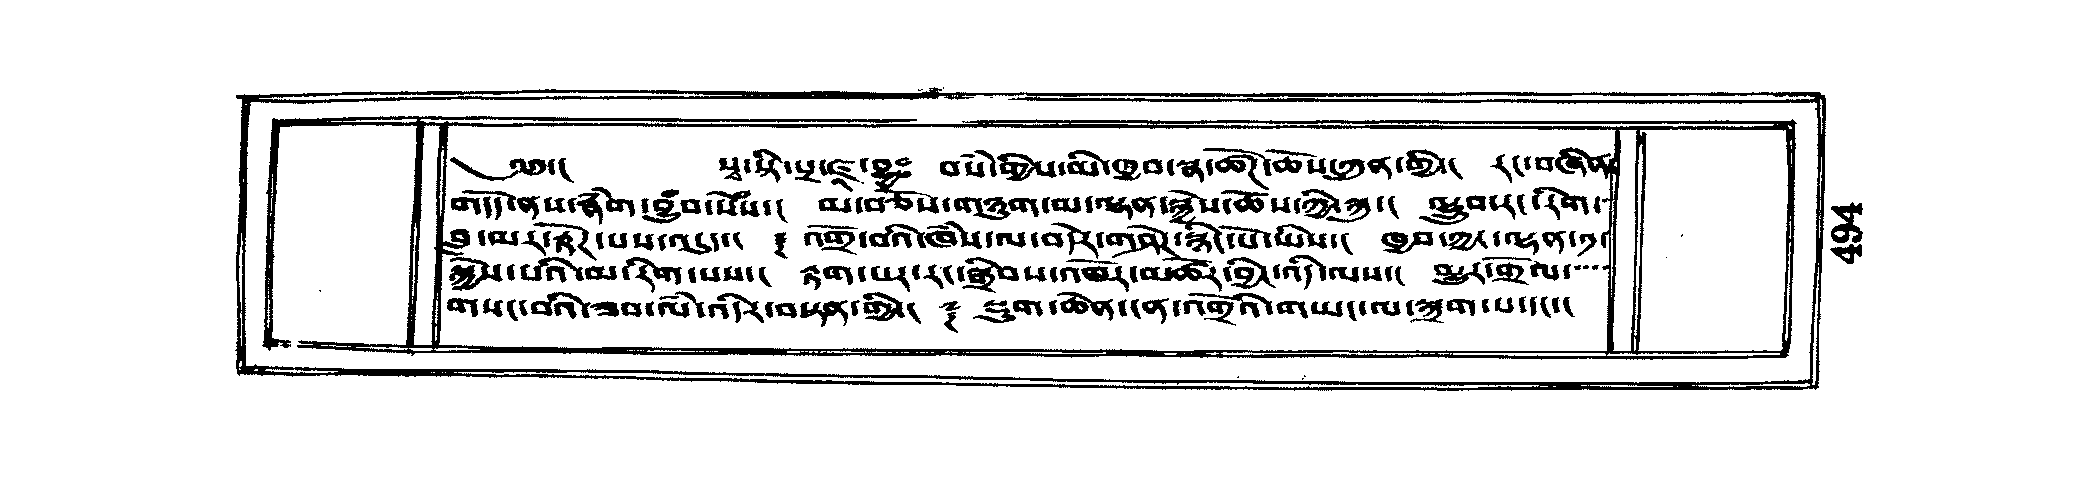སྭ་སྟི་པྲ་ཛཱ་བྷྱཿ བསམ་གྱིས་མི་ཁྱབ་སྣ་ཚོགས་ཆོས་ཀུན་གྱི། །རང་བཞིན་
གདོད་ནས་རྣམ་དག་བྱང་ཆུབ་སེམས། །མ་བཅོས་གཉུག་མ་ལྷན་སྐྱེས་ཆོས་ཀྱི་སྐུ། །ལྷུན་གྲུབ་རང་རིག་
བླ་མར་རྟོགས་པས་འདུད། ༈ འགྲོ་བའི་ཁམས་ལ་བདེ་གཤེགས་སྙིང་པོ་ཡིས། །ཁྱབ་ཀྱང་ལྷན་ཅིག་
སྐྱེས་པའི་མ་རིག་པས། །རྟག་པར་རང་སྒྲིབས་འཁོར་མཚོར་བྱིངས་འདི་ལས། །མྱུར་གྲོལ་
གསང་བའི་ཟབ་ལམ་འདིར་བསྟན་གྱི། ༈ སྡུག་ཆེན་ངན་འགྲོའི་གཡང་ལ་སྐྲག་པ་དང་།